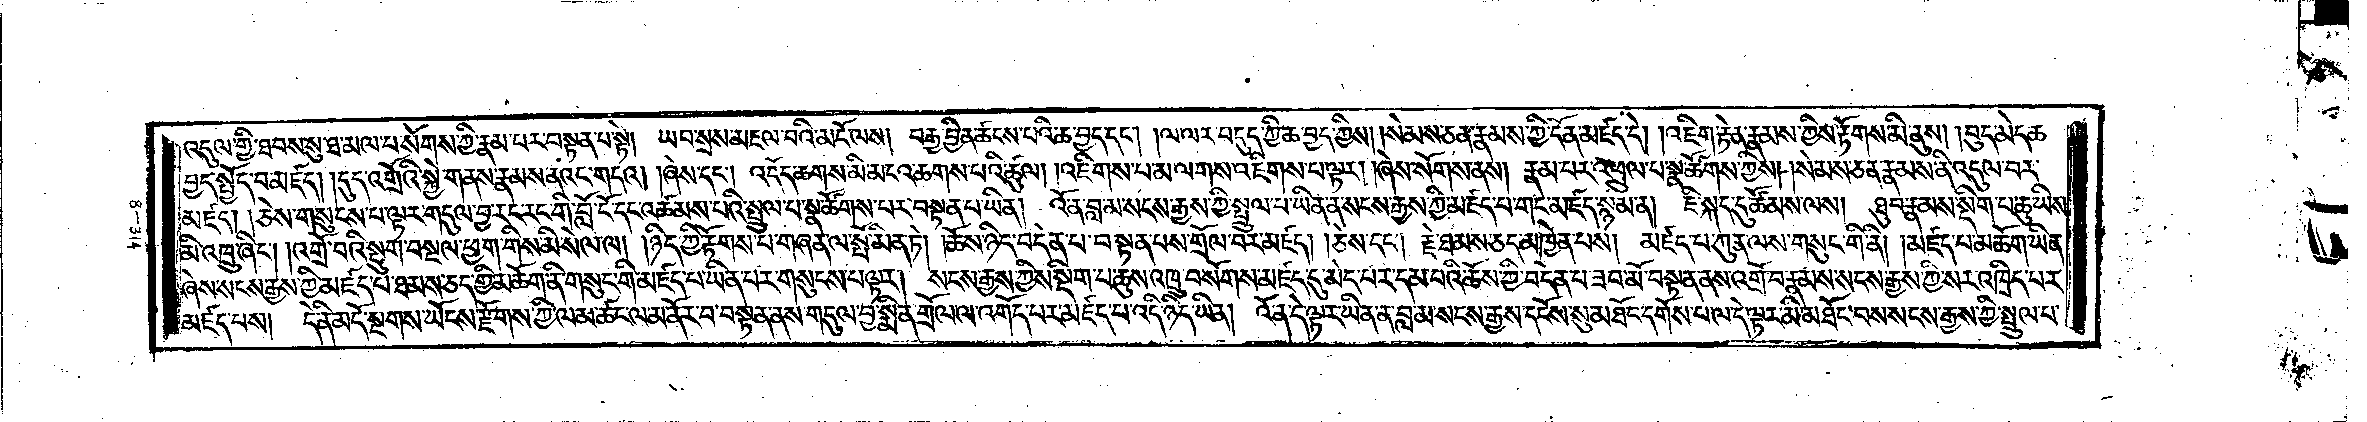འདུལ་གྱི་ཐབས་སུ་ཐ་མལ་པ་སོགས་ཀྱི་རྣམ་པར་བསྟན་པ་སྟེ། ཡབ་སྲས་མཇལ་བའི་མདོ་ལས། བརྒྱ་བྱིན་ཚངས་པའི་ཆ་བྱད་དང་། །ལ་ལར་བདུད་ཀྱི་ཆ་བྱད་ཀྱིས། །སེམས་ཅན་རྣམས་ཀྱི་དོན་མཛད་དེ། །འཇིག་རྟེན་རྣམས་ཀྱིས་རྟོགས་མི་ནུས། །བུད་མེད་ཆ་
བྱད་སྤྱོད་པ་མཛད། །དུད་འགྲོའི་སྐྱེ་གནས་རྣམས་ནའང་གདའ། །ཞེས་དང་། འདོད་ཆགས་མི་མངའ་ཆགས་པའི་ཚུལ། །འཇིགས་པ་མ་ལགས་འཇིགས་པ་ལྟར། །ཞེས་སོགས་ནས། རྣམ་པར་འཕྲུལ་པ་སྣ་ཚོགས་ཀྱིས། །སེམས་ཅན་རྣམས་ནི་འདུལ་བར་
མཛད༑ ༑ཅེས་གསུངས་པ་ལྟར་གདུལ་བྱ་རང་རང་གི་བློ་ངོ་དང་འཚམས་པའི་སྤྲུལ་པ་སྣ་ཚོགས་པར་བསྟན་པ་ཡིན། འོ་ན་བླ་མ་སངས་རྒྱས་ཀྱི་སྤྲུལ་པ་ཡིན་ན་སངས་རྒྱས་ཀྱི་མཛད་པ་གང་མཛད་སྙམ་ན། ཇི་སྐད་དུ་ཚོམས་ལས། ཐུབ་རྣམས་སྡིག་པ་ཆུ་ཡིས་
མི་འཁྲུ་ཞིང་། །འགྲོ་བའི་སྡུག་བསྔལ་ཕྱག་གིས་མི་སེལ་ལ། །ཉིད་ཀྱི་རྟོགས་པ་གཞན་ལ་སྤོ་མིན་ཏེ། །ཆོས་ཉིད་བདེན་པ་བསྟན་པས་གྲོལ་བར་མཛད། །ཅེས་དང་། རྗེ་ཐམས་ཅད་མཁྱེན་པས། མཛད་པ་ཀུན་ལས་གསུང་གི་ནི། །མཛད་པ་མཆོག་ཡིན་
ཞེས་སངས་རྒྱས་ཀྱི་མཛད་པ་ཐམས་ཅད་ཀྱི་མཆོག་ནི་གསུང་གི་མཛད་པ་ཡིན་པར་གསུངས་པ་ལྟར། སངས་རྒྱས་ཀྱིས་སྡིག་པ་ཆུས་འཁྲུ་བ་སོགས་མཛད་དུ་མེད་པར་དམ་པའི་ཆོས་ཀྱི་བདེན་པ་ཟབ་མོ་བསྟན་ནས་འགྲོ་བ་རྣམས་སངས་རྒྱས་ཀྱི་སར་འཁྲིད་པར་
མཛད་པས། དེ་ནི་མདོ་སྔགས་ཡོངས་རྫོགས་ཀྱི་ལམ་ཚང་ལ་མ་ནོར་བ་བསྟན་ནས་གདུལ་བྱ་སྨིན་གྲོལ་ལ་འགོད་པར་མཛད་པ་འདི་ཉིད་ཡིན། འོ་ན་དེ་ལྟར་ཡིན་ན་བླ་མ་སངས་རྒྱས་དངོས་སུ་མཐོང་དགོས་པ་ལ་དེ་ལྟར་མི་མཐོང་བས་སངས་རྒྱས་ཀྱི་སྤྲུལ་པ་